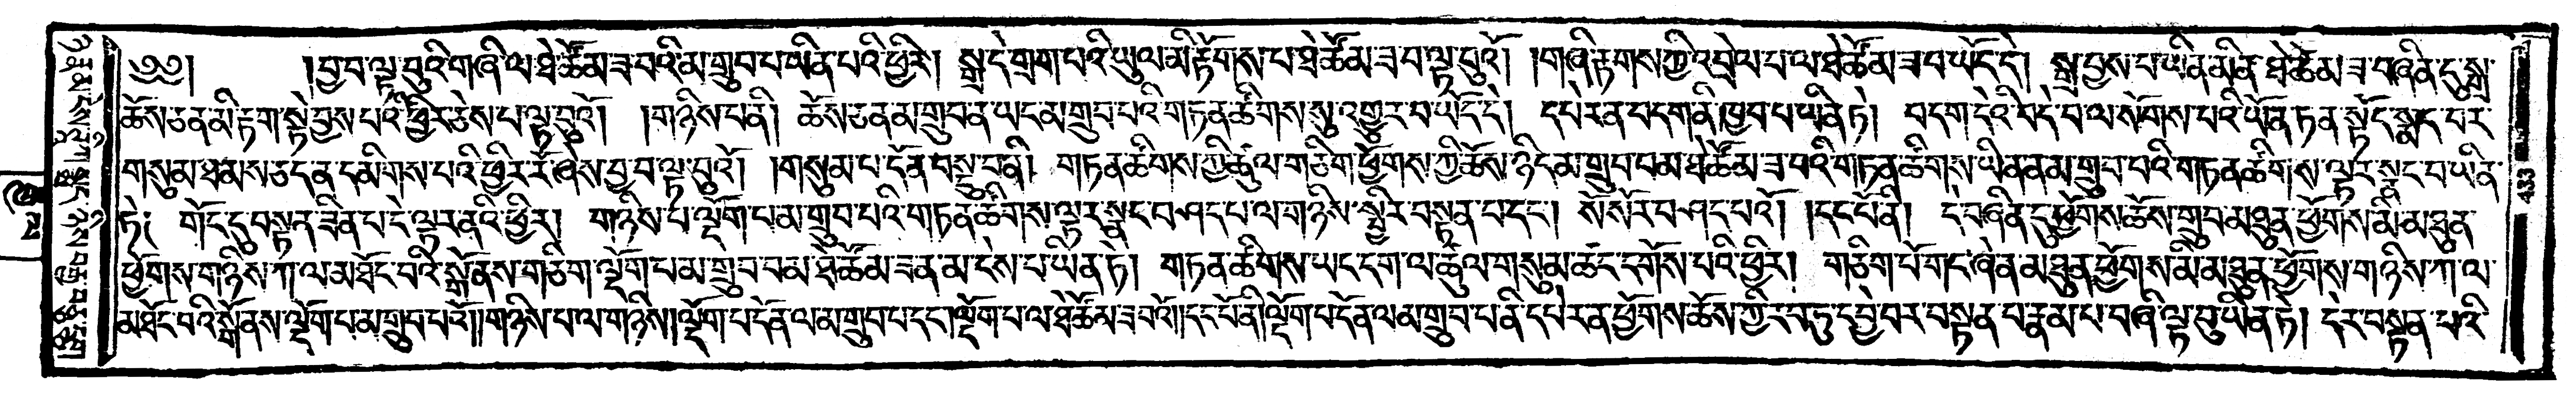༄༅། །བྱ་བ་ལྟ་བུའི་གཞི་ལ་ཐེ་ཚོམ་ཟ་བའི་མ་གྲུབ་པ་ཡིན་པའི་ཕྱིར། སྒྲ་དེ་གྲག་པའི་ཡུལ་མི་རྟོགས་པ་ཐེ་ཚོམ་ཟ་བ་ལྟ་བུའོ། །གཞི་རྟགས་ཀྱི་འབྲེལ་པ་ལ་ཐེ་ཚོམ་ཟ་བ་ཡོད་དེ། སྒྲ་བྱས་པ་ཡིན་མིན་ཐེ་ཚོམ་ཟ་བཞིན་དུ་སྒྲ་
ཆོས་ཅན་མི་རྟག་སྟེ་བྱས་པའི་ཕྱིར་ཅེས་པ་ལྟ་བུའོ། །གཉིས་པ་ནི། ཆོས་ཅན་མ་གྲུབ་ན་ཡང་མ་གྲུབ་པའི་གཏན་ཚིགས་སུ་འགྱུར་བ་ཡོད་དེ། དཔེར་ན་བདག་ནི་ཁྱབ་པ་ཡིན་ཏེ། བདག་དེའི་བདེ་བ་ལ་སོགས་པའི་ཡོན་ཏན་སྟོང་སྨད་བར་
གསུམ་ཐམས་ཅད་ན་དམིགས་པའི་ཕྱིར་རོ་ཞེས་བྱ་བ་ལྟ་བུའོ། །གསུམ་པ་དོན་བསྡུ་བ་ནི། གཏན་ཚིགས་ཀྱི་ཚུལ་གཅིག་ཕྱོགས་ཀྱི་ཆོས་ཉིད་མ་གྲུབ་བམ་ཐེ་ཚོམ་ཟ་བའི་གཏན་ཚིགས་ཡིན་ན་མ་གྲུབ་པའི་གཏན་ཚིགས་ལྟར་སྣང་བ་ཡིན་
ཏེ༑ གོང་དུ་བསྟན་ཟིན་པ་དེ་ལྟར་ནའི་ཕྱིར། གཉིས་པ་ལྡོག་པ་མ་གྲུབ་པའི་གཏན་ཚིགས་ལྟར་སྣང་བཤད་པ་ལ་གཉིས་སྦྱིར་བསྟན་པ་དང་། སོ་སོར་བཤད་པའོ། །དང་པོ་ནི། དེ་བཞིན་དུ་ཕྱོགས་ཆོས་གྲུབ་མཐུན་ཕྱོགས་མི་མཐུན་
ཕྱོགས་གཉིས་ཀ་ལ་མཐོང་བའི་སྒོ་ནས་གཅིག་ལྡོག་པ་མ་གྲུབ་བམ་ཐེ་ཚོམ་ཟ་ན་མ་ངེས་པ་ཡིན་ཏེ། གཏན་ཚིགས་ཡང་དག་ལ་ཚུལ་གསུམ་ཚང་དགོས་པའི་ཕྱིར། གཅིག་པོ་གང་ཞེ་ན་མཐུན་ཕྱོགས་མི་མཐུན་ཕྱོགས་གཉིས་ཀ་ལ་
མཐོང་བའི་སྒོ་ནས་ལྡོག་པ་མ་གྲུབ་པའོ། །གཉིས་པ་ལ་གཉིས། ལྡོག་པ་དོན་ལམ་གྲུབ་པ་དང་། ལྡོག་པ་ལ་ཐེ་ཚོམ་ཟ་བའོ། །དང་པོ་ནི། ལྡོག་པ་དོན་ལམ་གྲུབ་པ་ནི་དཔེར་ན་ཕྱོགས་ཆོས་ཀྱི་རབ་ཏུ་དབྱེ་བར་བསྟན་པ་རྣམ་པ་བཞི་ལྟ་བུ་ཡིན་ཏེ། དེར་བསྟན་པའི་